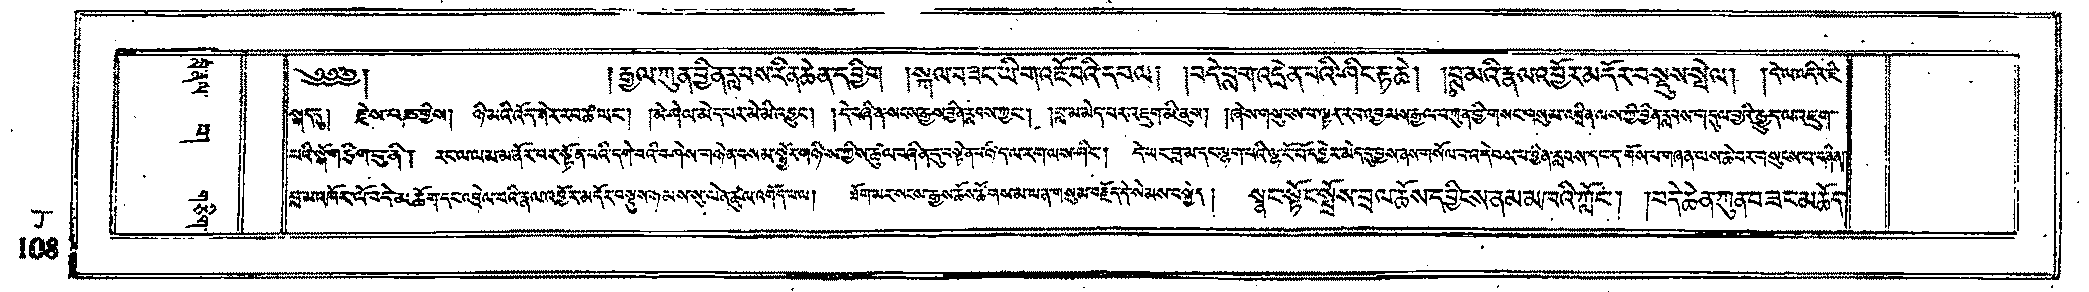༄༅༅། །རྒྱལ་ཀུན་བྱིན་རླབས་རིན་ཆེན་དབྱིག །སྐལ་བཟང་ཡི་ཨ་འཇོ་བའི་དཔལ། །བདེ་བླག་འདྲེན་པའི་ཤིང་རྟ་ཆེ། །བླ་མའི་རྣལ་འབྱོར་མདོར་བསྡུས་སྦེལ། །དེ་ལ་འདིར་ཇི་
སྐད་དུ། །རྗེས་པཎ་གྱིས། ཉི་མའི་འོད་ཟེར་རབ་ཚ་ཡང་། །མེ་ཤེལ་མེད་པར་མེ་མི་འབྱུང་། །དེ་བཞིན་སངས་རྒྱས་བྱིན་རླབས་ཀྱང་། །བླ་མ་མེད་པར་འཇུག་མི་ནུས། །ཞེས་གསུངས་པ་ལྟར་རབ་འབྱམས་རྒྱལ་བ་ཀུན་གྱི་གསང་གསུམ་འཕྲིན་ལས་ཀྱི་བྱིན་རླབས་གདུལ་བྱའི་རྒྱུད་ལ་འཇུག་
པའི་སྒོ་གཅིག་པུ་ནི། རང་ལ་ལམ་མ་ནོར་བར་སྟོན་པའི་དགེ་བའི་བཤེས་གཉེན་བསམ་སྦྱོར་གཉིས་ཀྱིས་ཚུལ་བཞིན་དུ་བསྟེན་པ་ཉིད་ལ་རག་ལས་ཤིང་། དེ་ཡང་བླ་མ་དང་ལྷག་པའི་ལྷ་ངོ་བོ་དབྱེར་མེད་དུ་བྱས་ནས་གསོལ་བ་འདེབས་པ་བྱིན་རླབས་དང་གོས་པ་གཞན་ལས་ཆེ་བར་གསུངས་པ་བཞིན།
བླ་མ་འཁོར་ལོ་བདེ་མཆོག་དང་འབྲེལ་བའི་རྣལ་འབྱོར་མདོར་བསྡུས་ཉམས་སུ་ལེན་ཚུལ་འགོད་པ་ལ། ཐོག་མར་སངས་རྒྱས་ཆོས་ཚོགས་ལན་གསུམ་བྲོད་དེ་སེམས་བསྐྱེད། སྣང་སྟོང་སྤྲོས་བྲལ་ཆོས་དབྱིངས་ནམ་མཁའི་ཀློང་། །བདེ་ཆེན་ཀུན་བཟང་མཆོད་